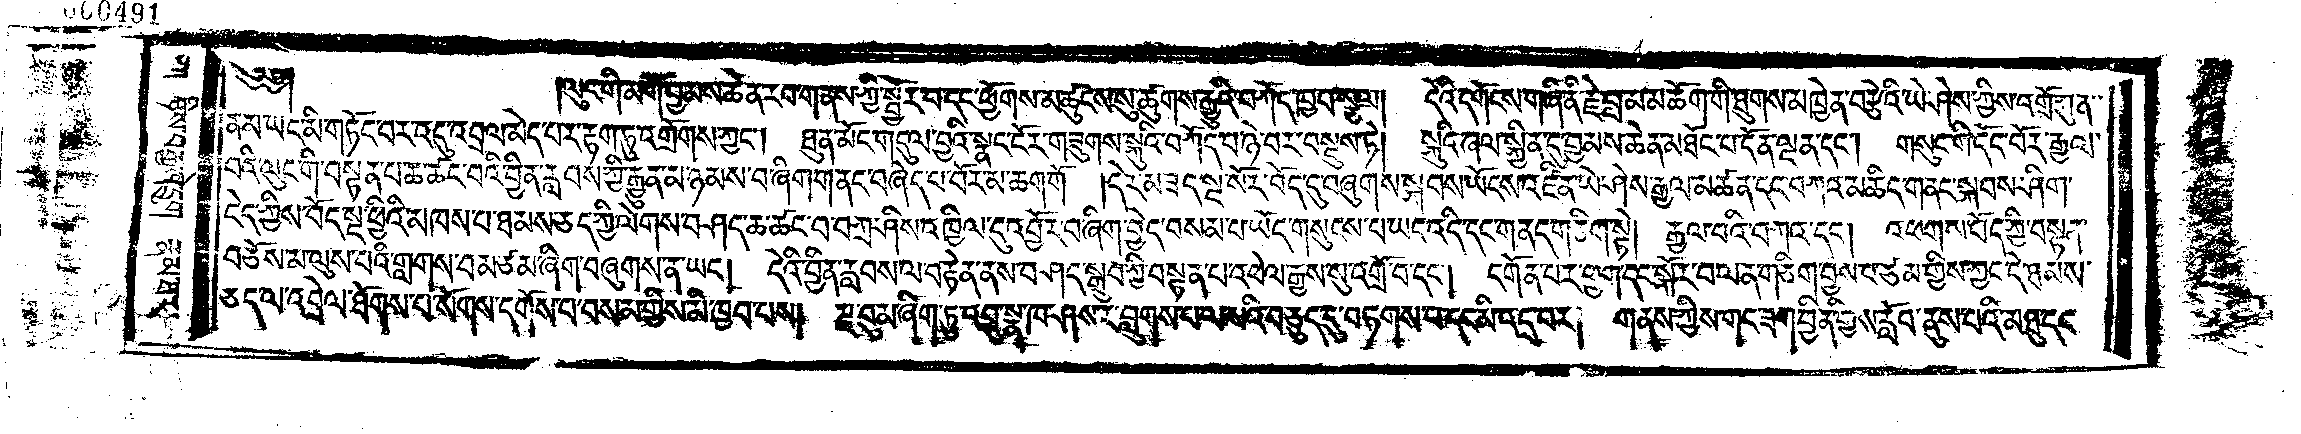༄༅། །ལུང་གི་མགོ་བྱམས་ཆེན་རབ་གནས་ཀྱི་སྦྱོར་བ་དང་ཕྱོགས་མཚུངས་སུ་ཚུགས་རྒྱུའི་བཀོད་ཁྱབ་སྩལ། དེའི་དགོངས་གཞི་ནི་རྗེ་བླ་མ་མཆོག་གི་ཐུགས་མཁྱེན་བརྩེའི་ཡེ་ཤེས་ཀྱིས་འགྲོ་ཀུན་
ནམ་ཡང་མི་གཏོང་བར་འདུ་འབྲལ་མེད་པར་རྟག་ཏུ་འགྲོགས་ཀྱང་། ཐུན་མོང་གདུལ་བྱའི་སྣང་ངོར་གཟུགས་སྐུའི་བཀོད་པ་ཉེ་བར་བསྡུས་ཏེ། སྐུའི་ཞལ་སྐྱིན་དུ་བྱམས་ཆེན་མཐོང་བ་དོན་ལྡན་དང་། གསུང་གི་དོད་པོར་རྒྱལ་
བའི་ལུང་གི་བསྟན་པ་ཆ་ཚང་བའི་བྱིན་རླབས་ཀྱི་རྒྱུན་མ་ཉམས་པ་ཞིག་གནང་བཞེད་པ་གོར་མ་ཆག་གོ །དེར་མ་ཟད་སྔ་སོར་བོད་དུ་བཞུགས་སྐབས་ཡོངས་འཛིན་ཡེ་ཤེས་རྒྱལ་མཚན་དང་བཀའ་མཆིད་གནང་སྐབས་ཤིག་
ངེད་ཀྱིས་བོད་སྔ་ཕྱིའི་མཁས་པ་ཐམས་ཅད་ཀྱི་ལེགས་བཤད་ཆ་ཚང་བ་བཀྲ་ཤིས་འཁྱིལ་དུ་འབྱོར་པ་ཞིག་བྱེད་བསམ་པ་ཡོད་གསུངས་པ་ཡང་འདི་དང་གནད་གཅིག་སྟེ། རྒྱལ་བའི་བཀའ་དང་། འཕགས་བོད་ཀྱི་བསྟན་
བཅོས་མ་ལུས་པའི་གླེགས་བམ་ཙམ་ཞིག་བཞུགས་ན་ཡང་། དེའི་བྱིན་རླབས་ལ་བརྟེན་ནས་བཤད་སྒྲུབ་ཀྱི་བསྟན་པ་འཕེལ་རྒྱས་སུ་འགྲོ་བ་དང་། དགོན་པར་ཕྱག་དང་སྐོར་བ་ལན་གཅིག་བྱས་པ་ཙམ་གྱིས་ཀྱང་དེ་ཐམས་
ཅད་ལ་འབྲེལ་ཐོགས་པ་སོགས་དགོས་པ་བསམ་གྱིས་མི་ཁྱབ་པས། རྫ་བུམ་ཞིག་ཏུ་འབྲུ་སྣ་ཁ་ཤས་རེ་བླུགས་པ་ལ་སའི་བཅུད་དུ་བཏགས་པ་དང་མི་འདྲ་བར། གནས་ཀྱིས་གང་ཟག་བྱིན་གྱིས་རློབ་ནུས་པའི་མཐུ་དང་